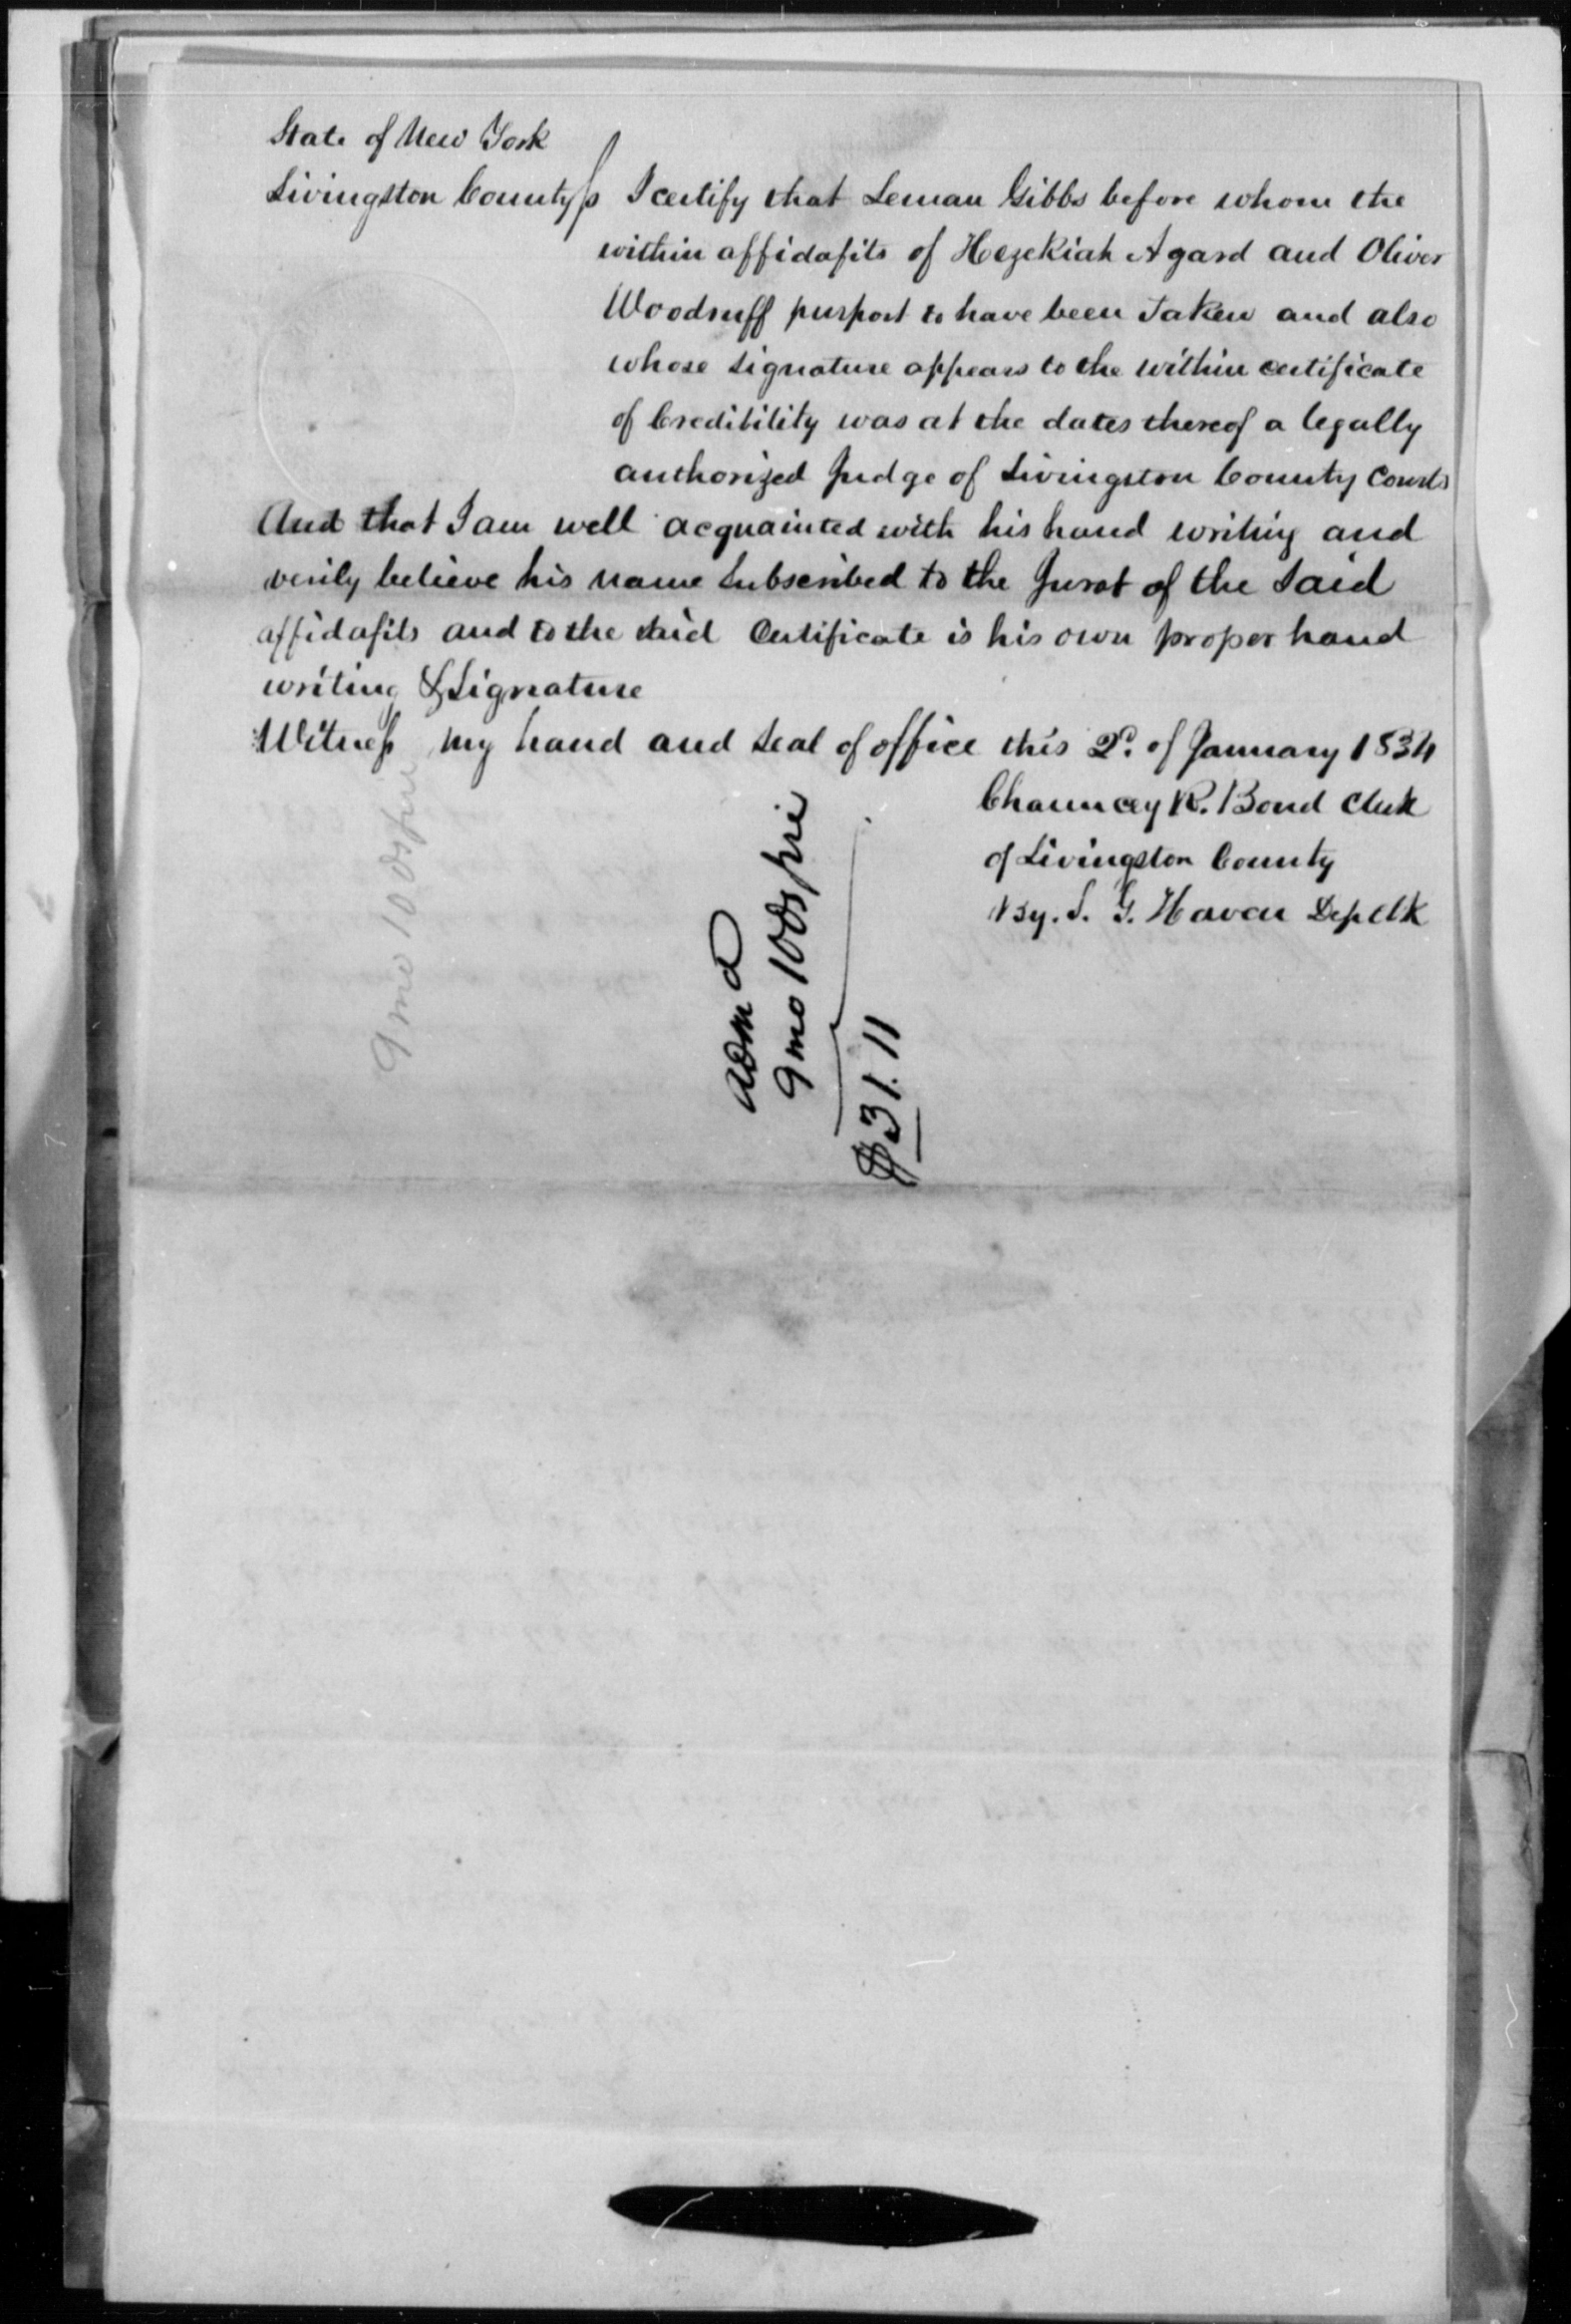State of New York
Livingston County
I certify that Leman Gibbs before whom the
within affidafits of Hezekiah Agard and Oliver
Woodruff purport to have been taken and also
whose signature appears to the within certificate
of credibility was at the dates thereof a legally
authorized Judge of Livingston County Courts
And that I am well acquainted with his hand writing and
verily believe his name subscribed to the Jurat of the said
affidafits and to the said Certificate is his own proper hand
writing & signature
Witness my hand and seal of office this 2d of January 1834
Chauncey R. Bond Clerk
of Livingston County
By. S.G. Haven Dep clk
Adm D
9 mo 100
$31.11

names: Chauncey R Bond, Leman Gibbs, S G Haven, Hezekiah Agard, Oliver Woodruff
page: 10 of 19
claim: survivor's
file: S. 23,092, Hezekiah Agard, Conn.